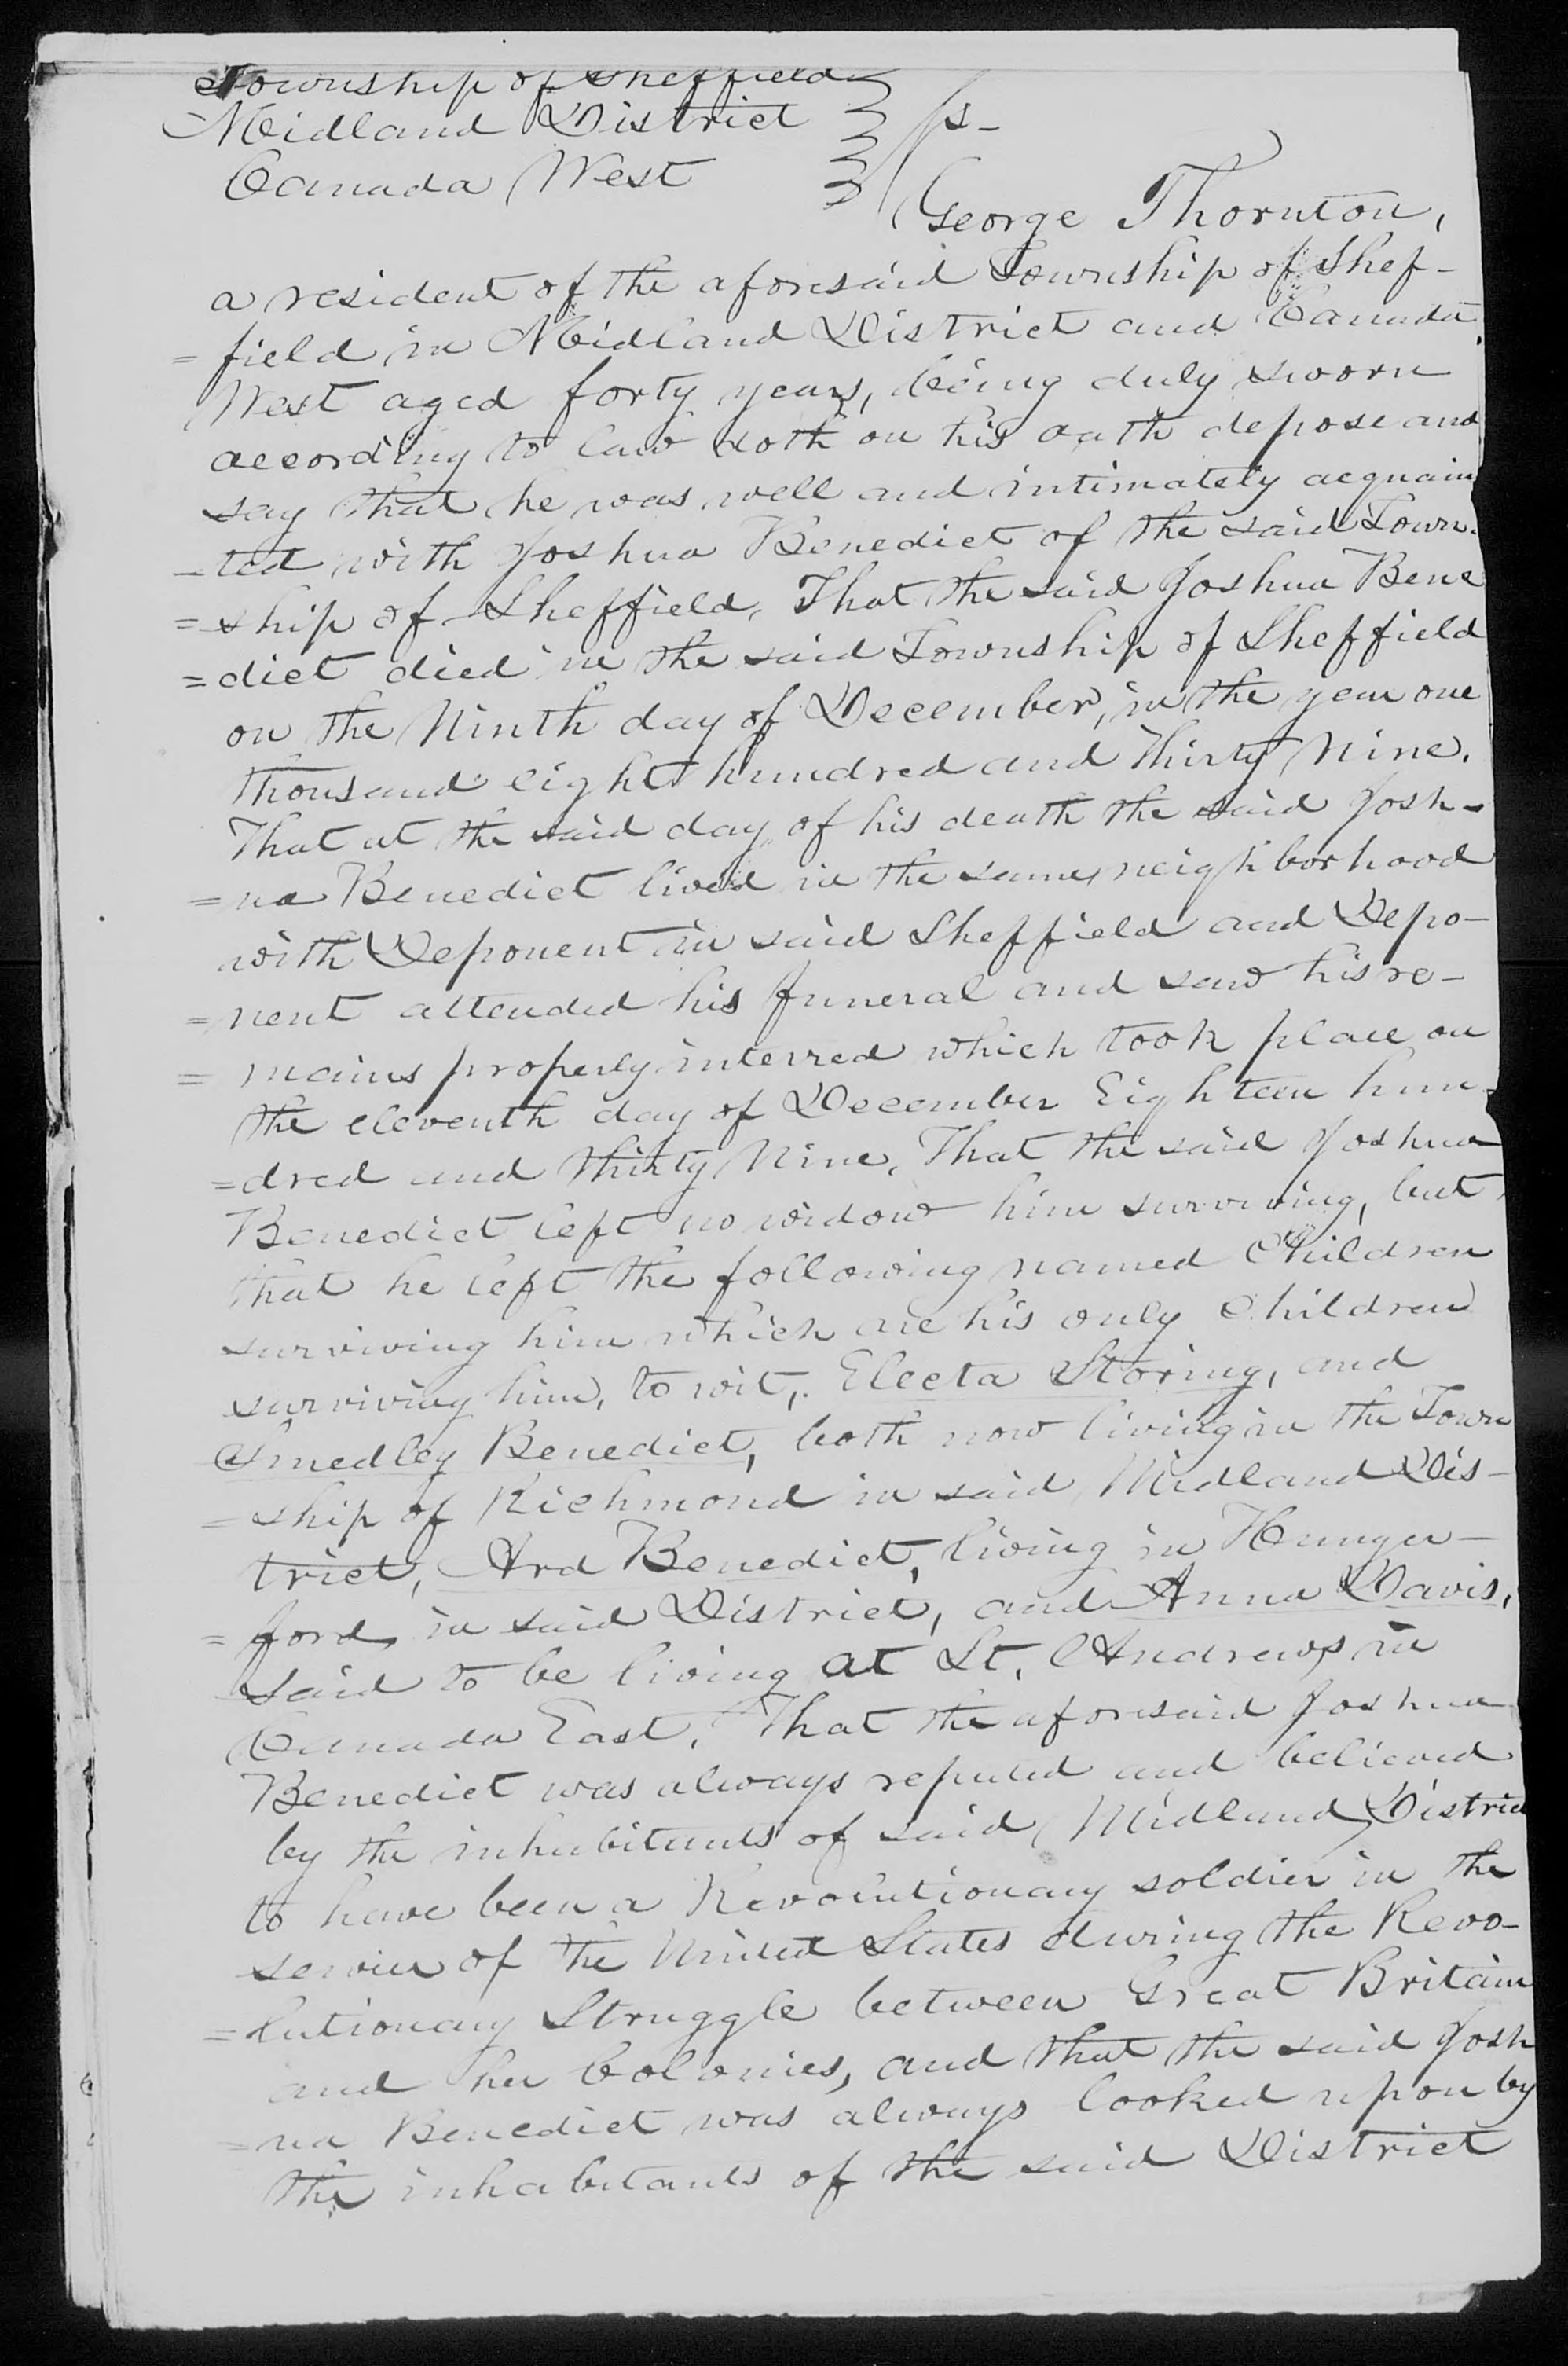Township of Sheffield
Midland District
Canada West } Ss-

George Thornton, a resident of the aforesaid Township of Sheffield in Midland District and Canada West aged forty years, being duly sworn according to law doth on his oath depose and say that he was well and intimately acquainted with Joshua Benedict of the said Township of Sheffield. That the said Joshua Benedict died in the said Township of Sheffield on the Ninth day of December, in the year one thousand eight hundred and thirty nine. That at the said day of his death the said Joshua Benedict lived in the same neighborhood with Deponent in said Sheffield and Deponent attended his funeral and saw his remains properly interred which took place on the eleventh day of December Eighteen hundred and thirty nine. That the said Joshua Benedict left no widow him surviving, but that he left the following named children surviving him which are his only children surviving him, to wit, Electa Storing, and Smedley Benedict, both now living in the Township of Richmond in said Midland District, Ard Benedict, living in Hungerford in said District, and Anna Davis, said to be living at St. Andrews in Canada East. That the aforesaid Joshua Benedict was always reputed and believed to have been a Revolutionary soldier in the service of the United States during the Revolutionary Struggle between Great Britain and her Colonies, and that the said Joshua Benedict was always looked upon by the inhabitants of the said District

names: Joshua Benedict, Joshua Benedict, Ard Benedict, Joshua Benedict, Joshua Benedict, Joshua Benedict, Joshua Benedict, George Thornton, Smedley Benedict, Anna Davis, Electa Storing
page: 47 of 106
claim: survivor's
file: S 23,116., Joshua Benedict, Conn.